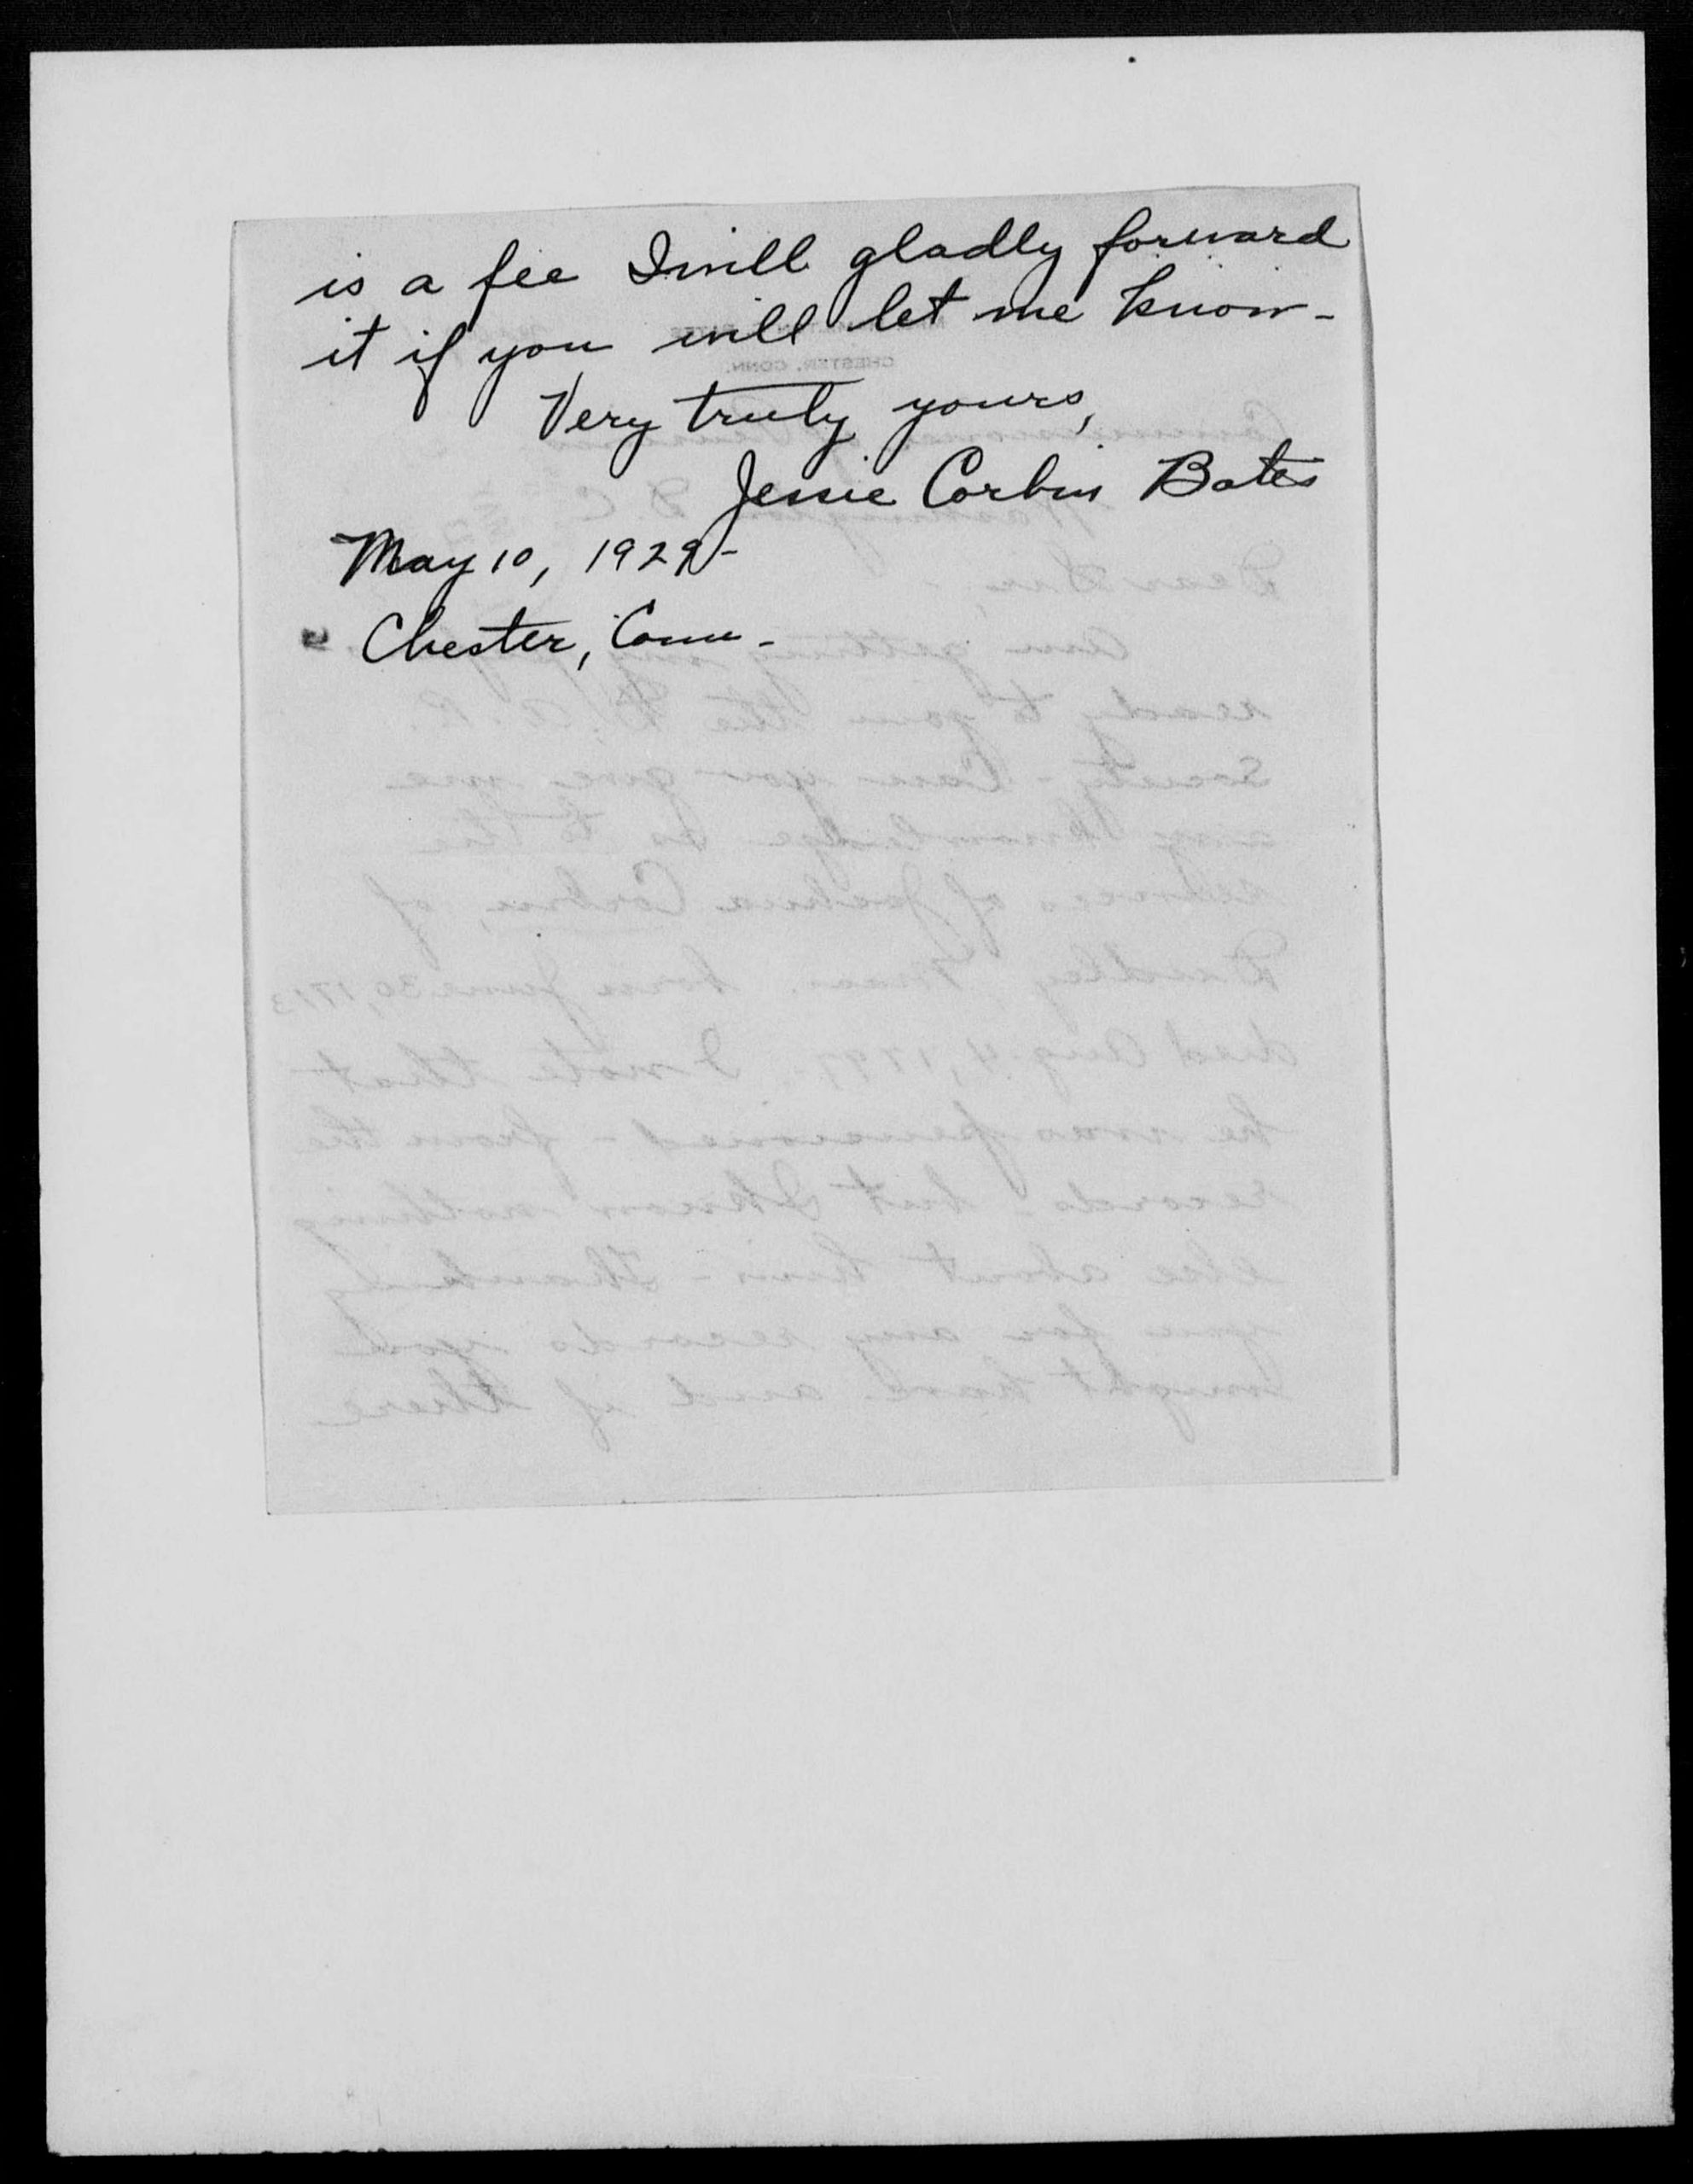is a fee I will gladly forward it if you will let me know-
Very truly yours,
Jesse Corbin Bates

May 10, 1929
Chester, Conn.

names: Jessie Corbin Bates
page: 18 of 34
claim: survivor's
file: S. 12581, Joshua Corbin, Mass.